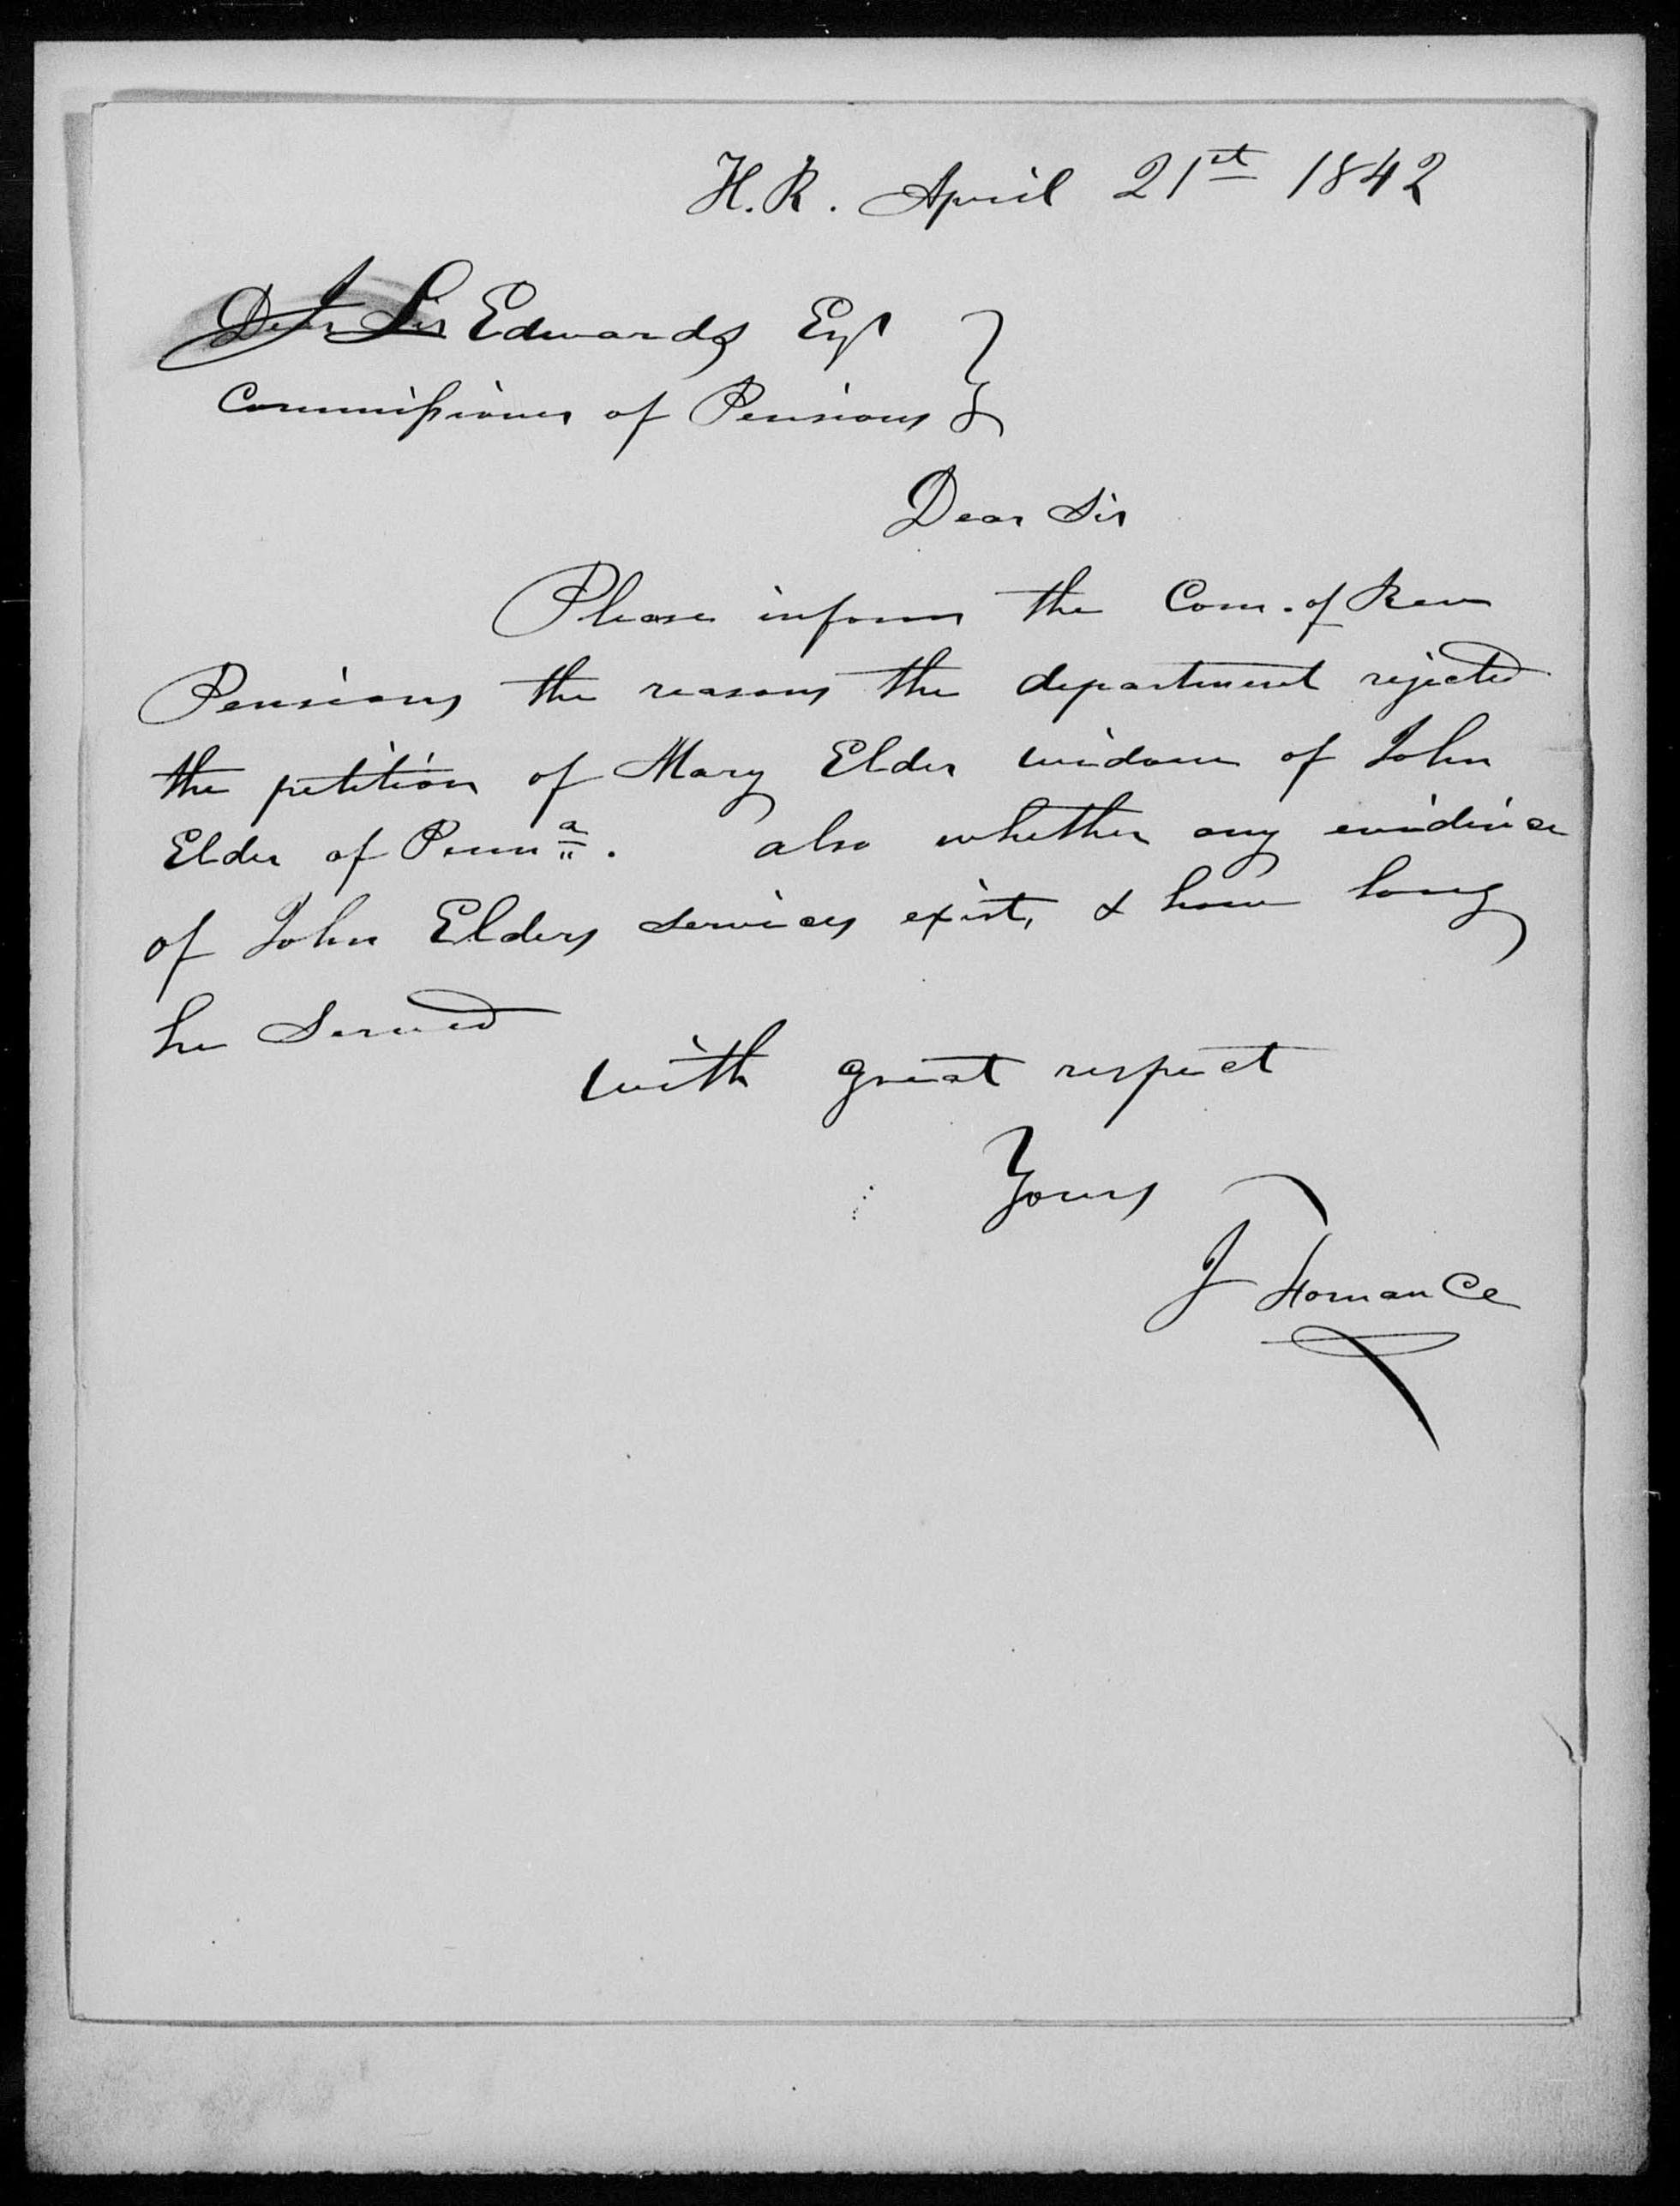H.R. April 21st 1842
Dear Sir Edwards Esq
Companions of ??

Dear Sir,
Please inform the court of ?
? the reason the department rejected the pension of Mary Elder  widow of John Elder of P?

Also whether any evidence of John Elder serving exists, I have ???

With great respect
yours
J. Horman Ce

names: John Elder, Mary Elder, J L Edwards, J Fornance, John Elders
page: 46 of 80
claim: widow's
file: W. 24117, John Elder, Penn.